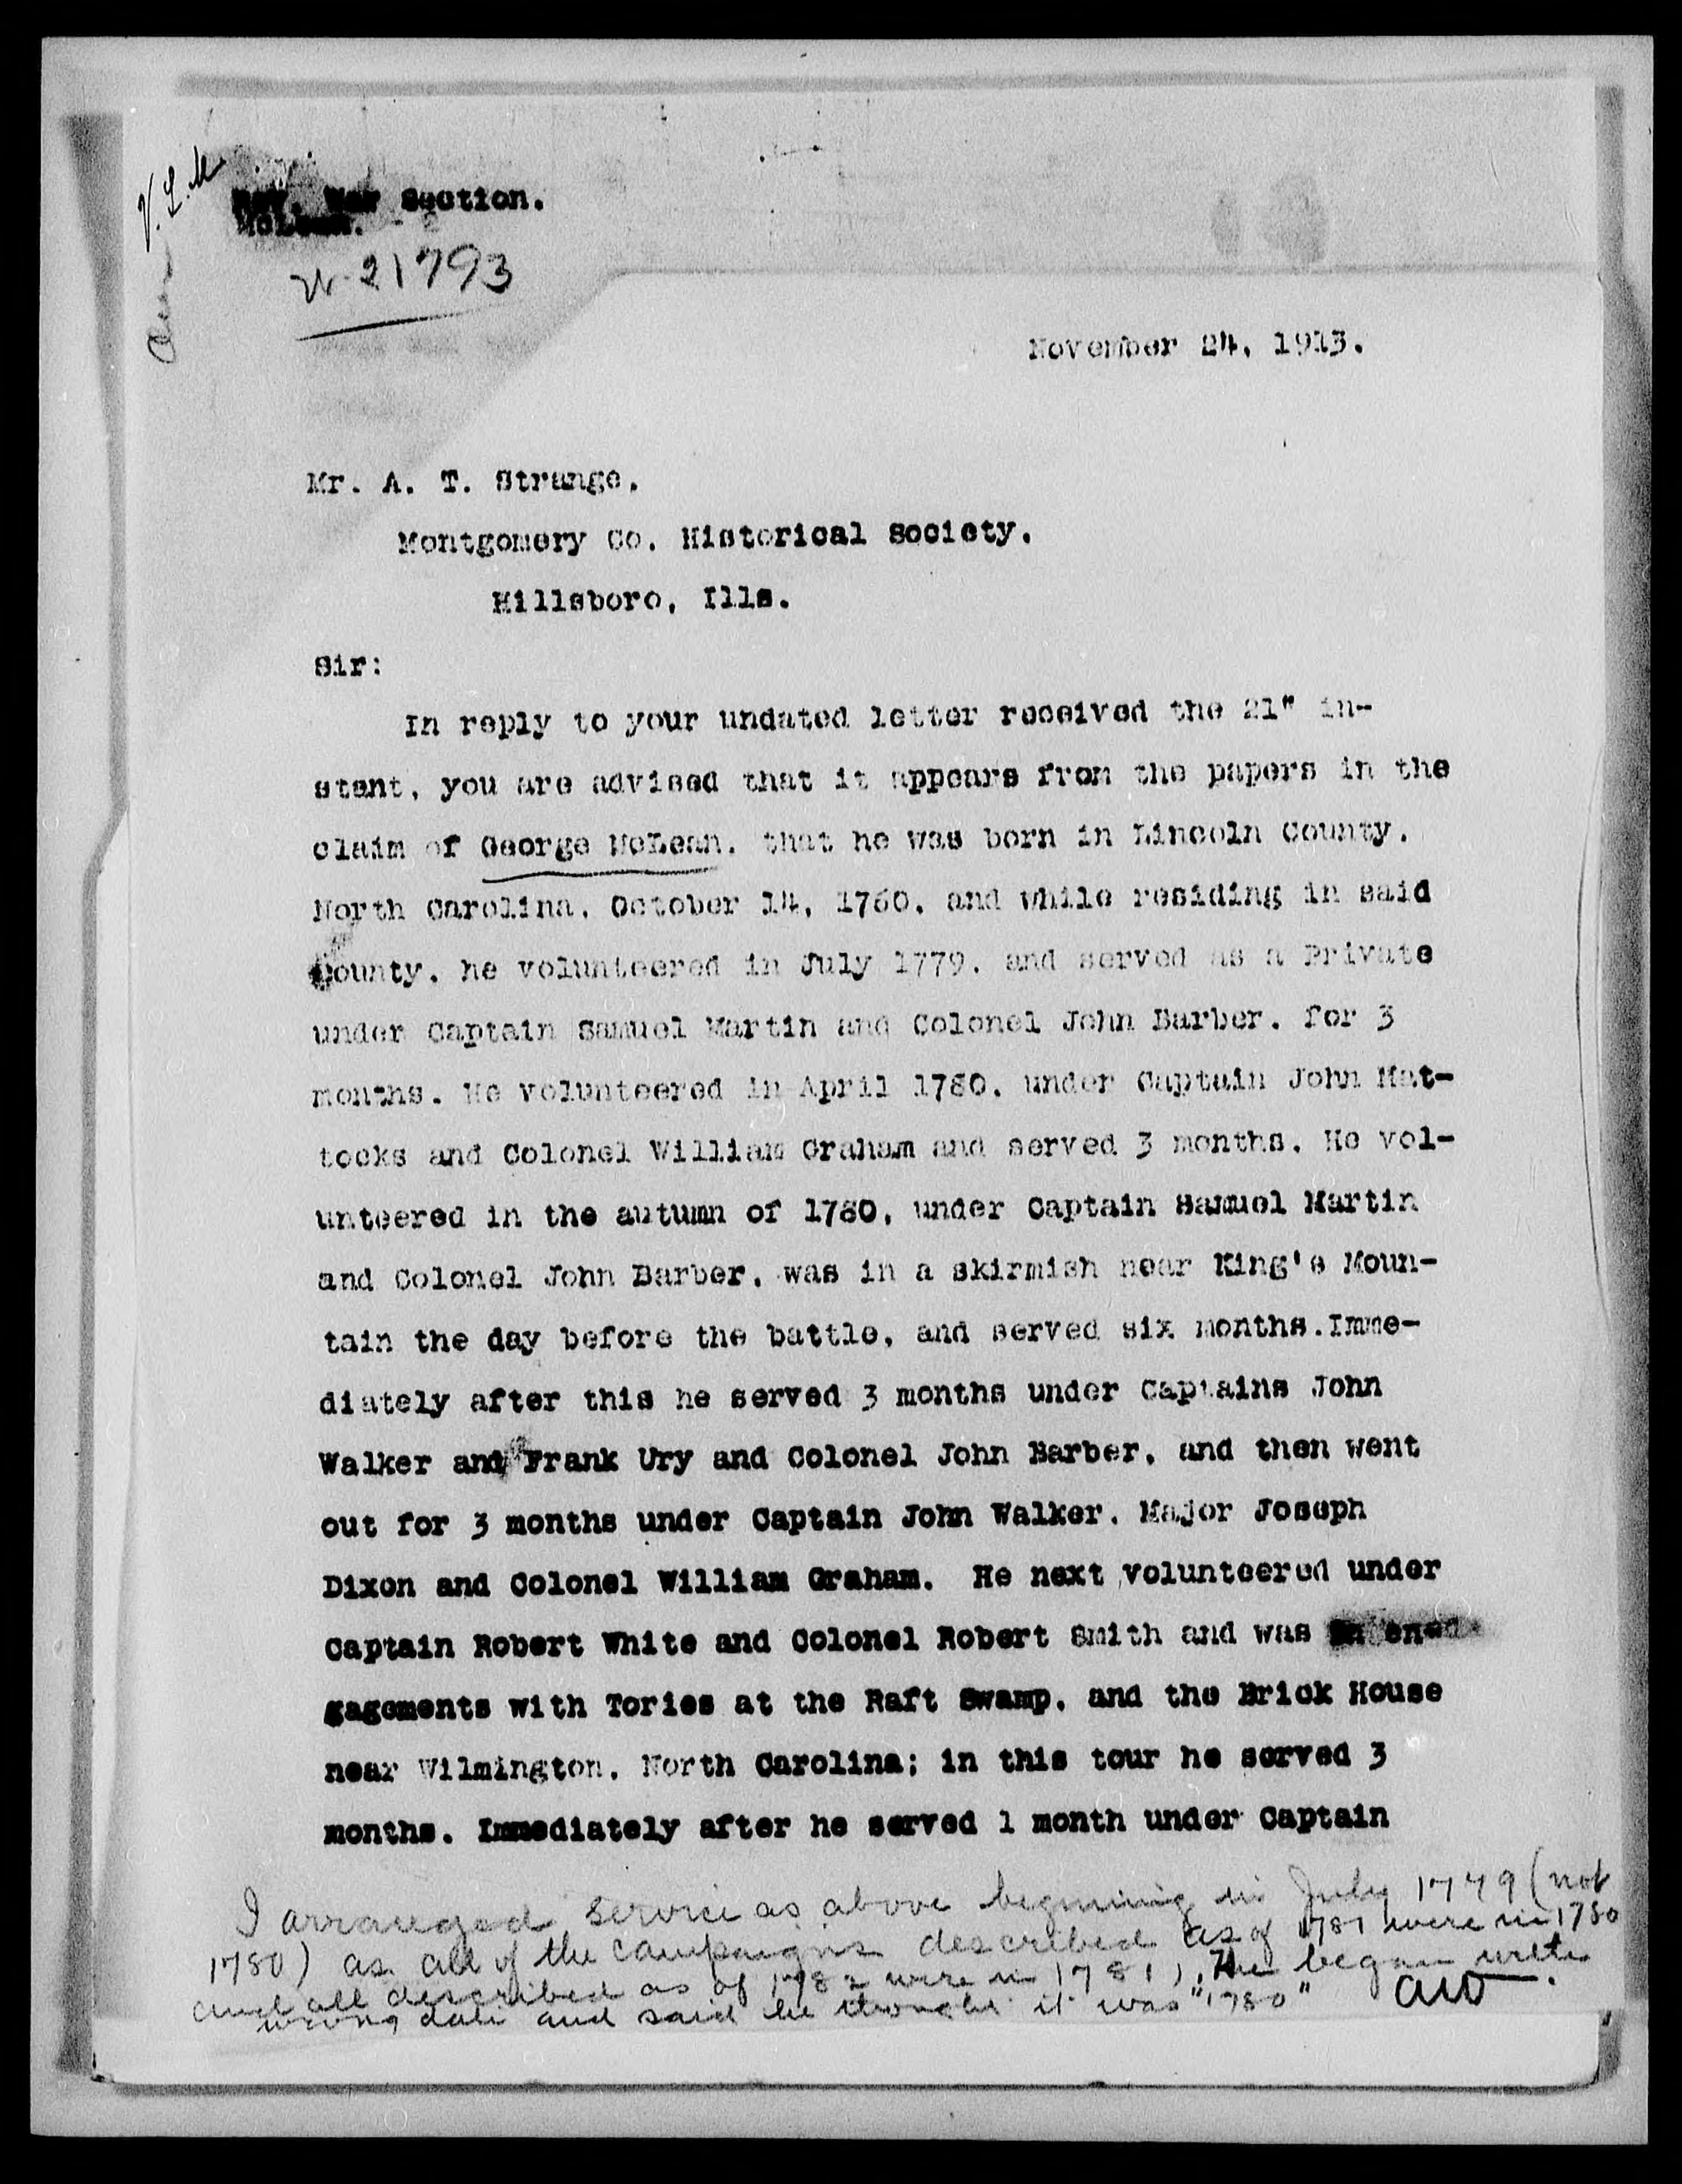[typed form, with handwritten responses]

V. L. M. Own Rev. & War Section
W.21793 

November 24, 1913.

Mr. A. T. Strange, 
Montgomery Co. Historical Society, 
Hillsboro, Ills. 

Sir: 

In reply to your undated letter received the 21" instant, you are advised that it appears from the papers in the claim of George McLean, that he was born in Lincoln County, North Carolina, October 14, 1760, and while residing in said County, he volunteered in July 1779 and served as a private under Captain Samuel Martin and Colonel John Barker, for 3 months. He volunteered in April 1780, under Captain John Mattocks and Colonel William Graham and served 3 months. He volunteered in the autumn of 1780, under Captain Samuel Martin and Colonel John Barber, was in a skirmish near King's Mountain the day before the battle, and served six months immediately after this he served 3 months under Captains John Walker and Frank Ury and Colonel John Barber, and then went out for 3 months under Captain John Walker, Major Joseph Dixon and Colonel William Graham. He next volunteered under Captain Robert White and Colonel Robert Smith and was in engagements with Tories at the Raft Swamp, and the Brick House near Wilmington, North Carolina; in this tour he served 3 months. Immediately after he served 1 month under Captain 

I arranged service as above beginning in July 1779 (not 1780) as all of the campaigns described as of 1781 were in 1780 (and all described as of 1782 were in 1781). He begins with wrong date and said he [Illegible] it was “1780” AW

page: 22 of 67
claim: widow's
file: W. 21793, for George Mc Lain, North Carolina